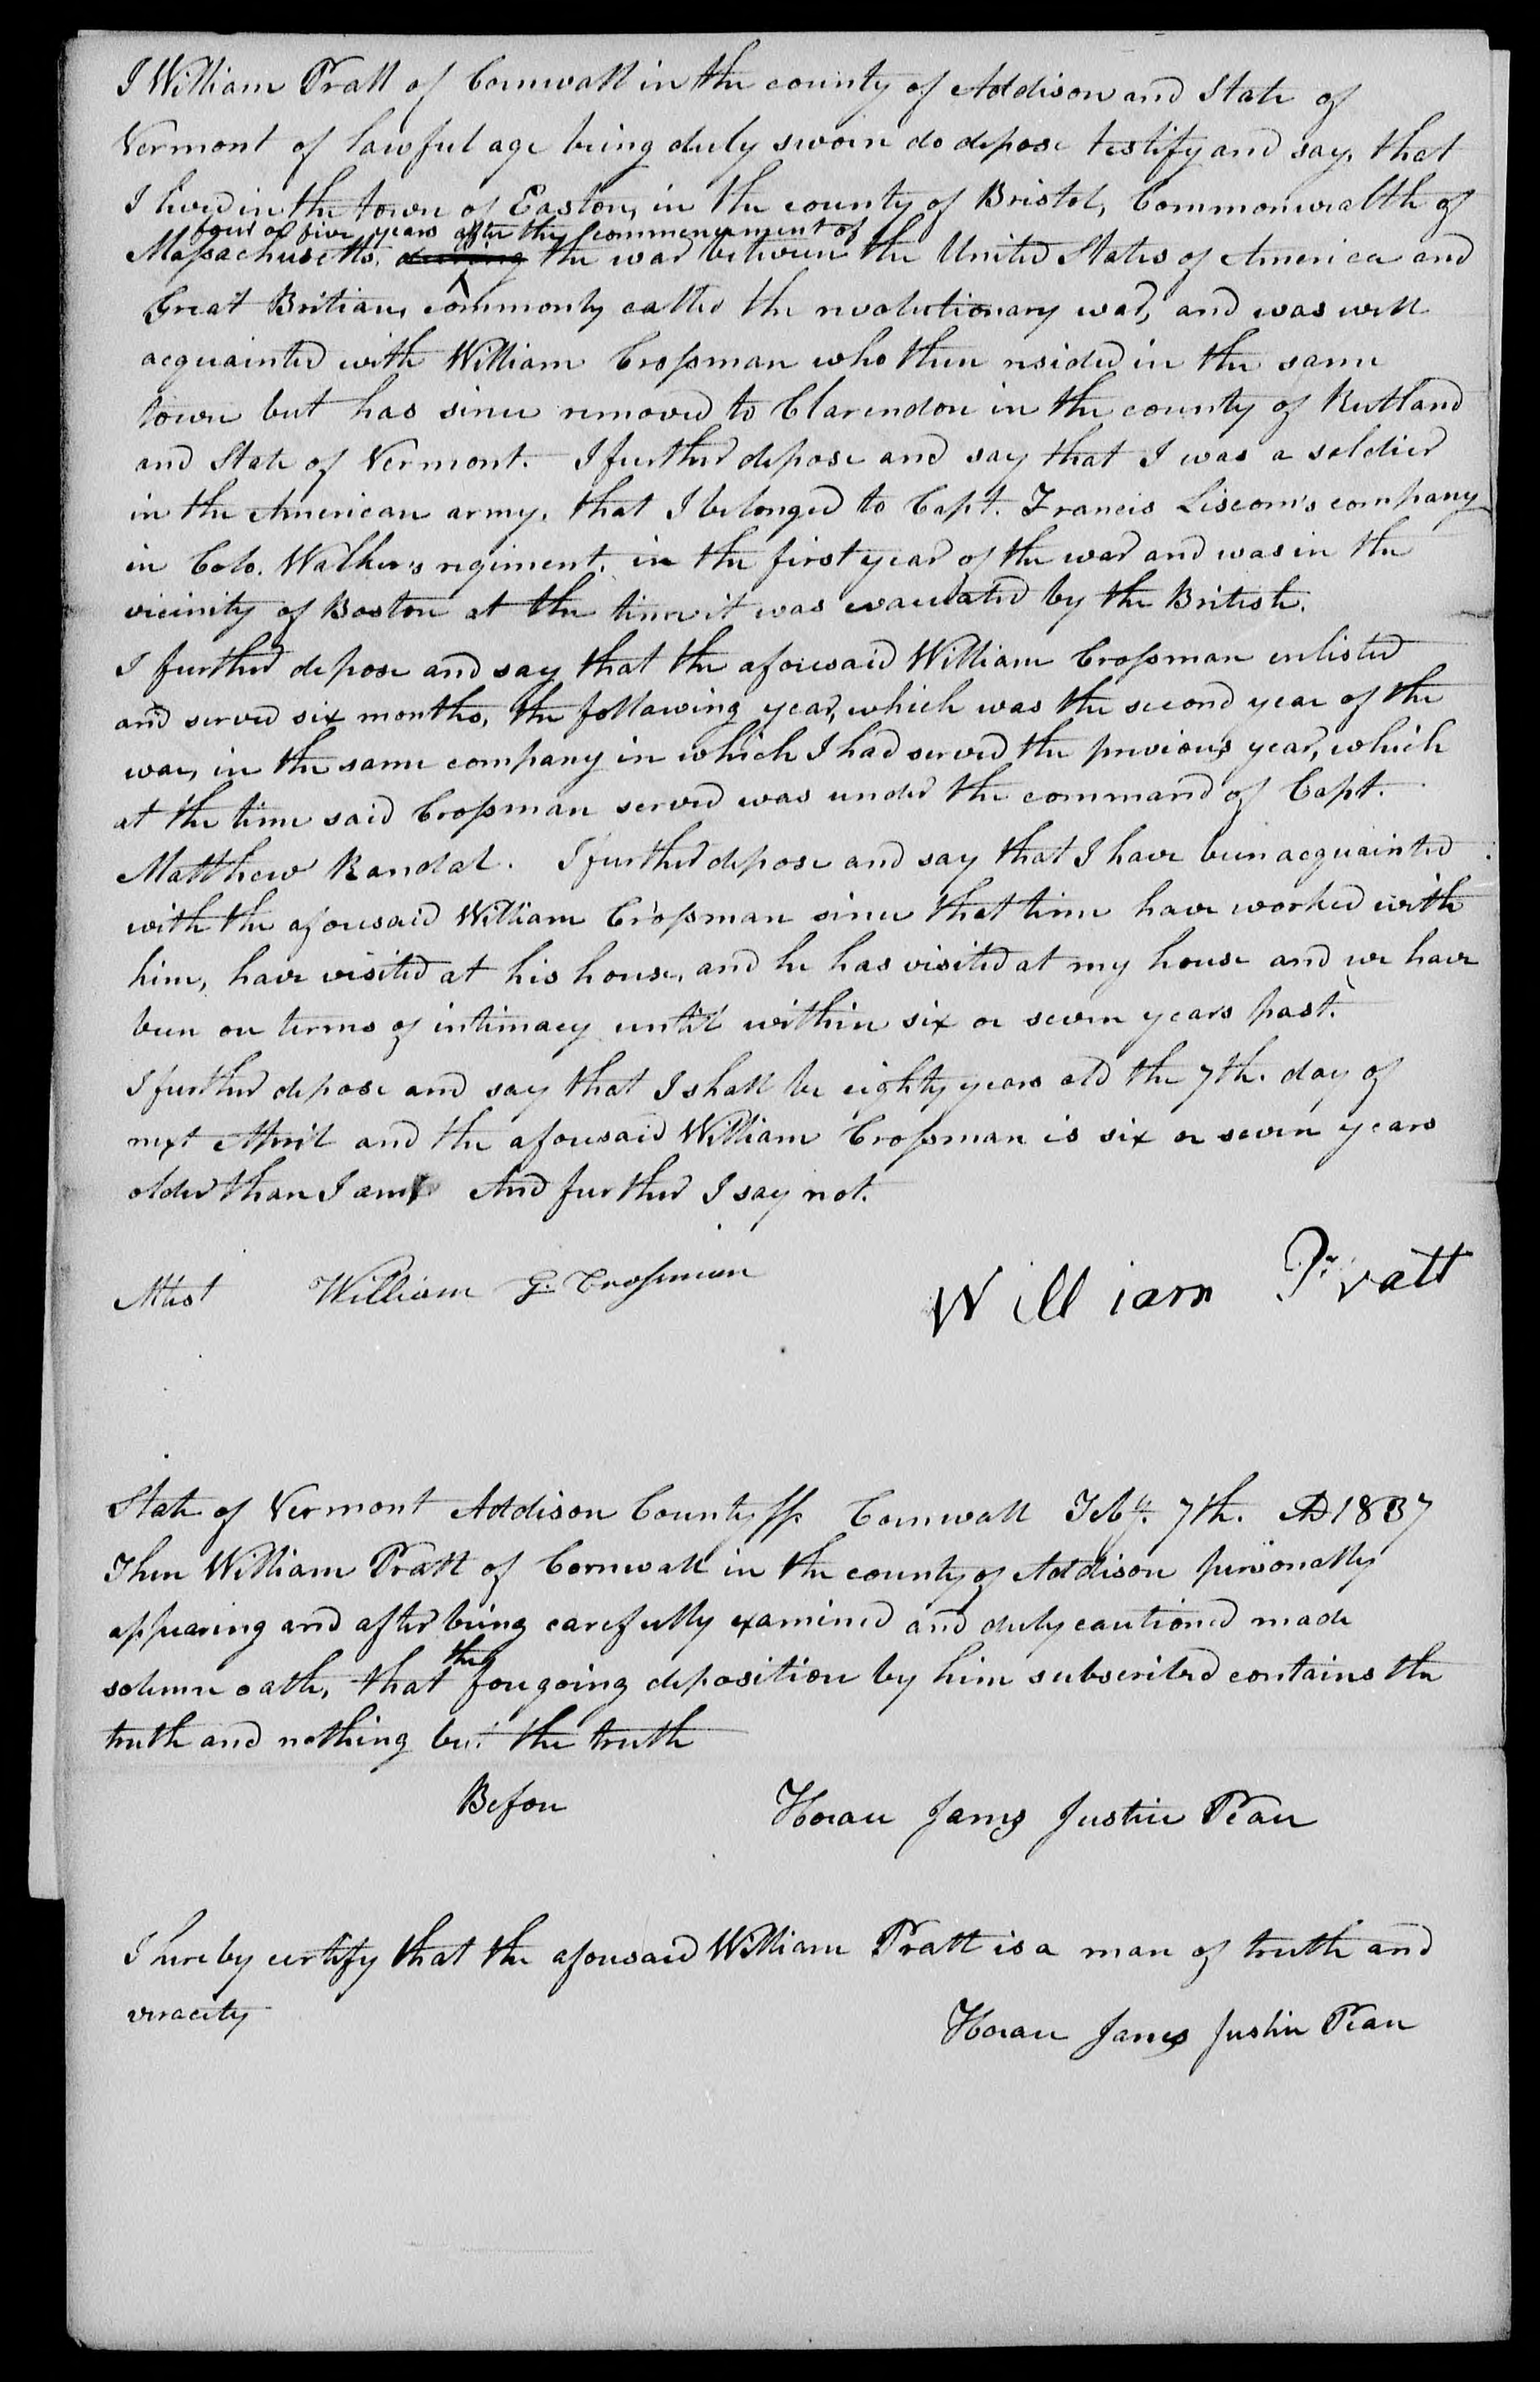I William Pratt of Cornwall in the county of Addison and State of Vermont of lawful age being duly sworn do depose testify and say, that I lived in the town of Easton, in the county of Bristol, Commonwealth of Massachusetts, ['serving' crossed out] four or five years after the commencement of the war between the United States of America and Great Britian, commonly called the revolutionary war, and was well acquainted with William Crossman who the resided in the same town but has since removed to Clarendon in the county of Rutland and State of Vermont. I further depose and say that I was a soldier in the American army, that I belonged to Capt. Francis Liscom's company in Colo. Walker's regiment, in the first year of the war and was in the vicinity of Boston at the time it was inundated by the British.
I further depose and say that the aforesaid William Crossman enlisted and served six months, the following years, which was the second year of the war, in the same company in which I had served the previous year, which at the time said Crossman served was under the command of Capt. Matthew Randal. I further depose and say that I have been acquainted with the aforesaid William Crossman since that time have worked with him, have visited at his house, and he has visited at my house and we have been on terms of intimacy until within six or seven years past. 
I further depose and say that I shall be eighty years old the 7th day of next April and the aforesaid William Crossman is six or seven years older than I am. And further I say not. 
/s/William Pratt

State of Vermont Addison County ss. Cornwall Feb'y 7th. AD 1837
Then William Pratt of Cornwall in the county of Addison personally appearing and after being carefully examined and duly cautioned made solemn oath, that the foregoing deposition by him subscribed contains the truth and nothing but the truth
Before /s/Horace Janes Justice Peace
I hereby certify that the aforesaid William Pratt is a man of truth and veracity
/s/Horace Janes Justice Peace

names: William Crossman, Horan Janes, Matthew Randal, William Pratt, William Crossman, Crossman, William G Crossman, William Pratt, William Pratt, William Crossman, William Pratt, William Crossman, Horan Janes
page: 26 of 33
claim: survivor's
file: S. 12632, William Crossman, Mass. Vt.